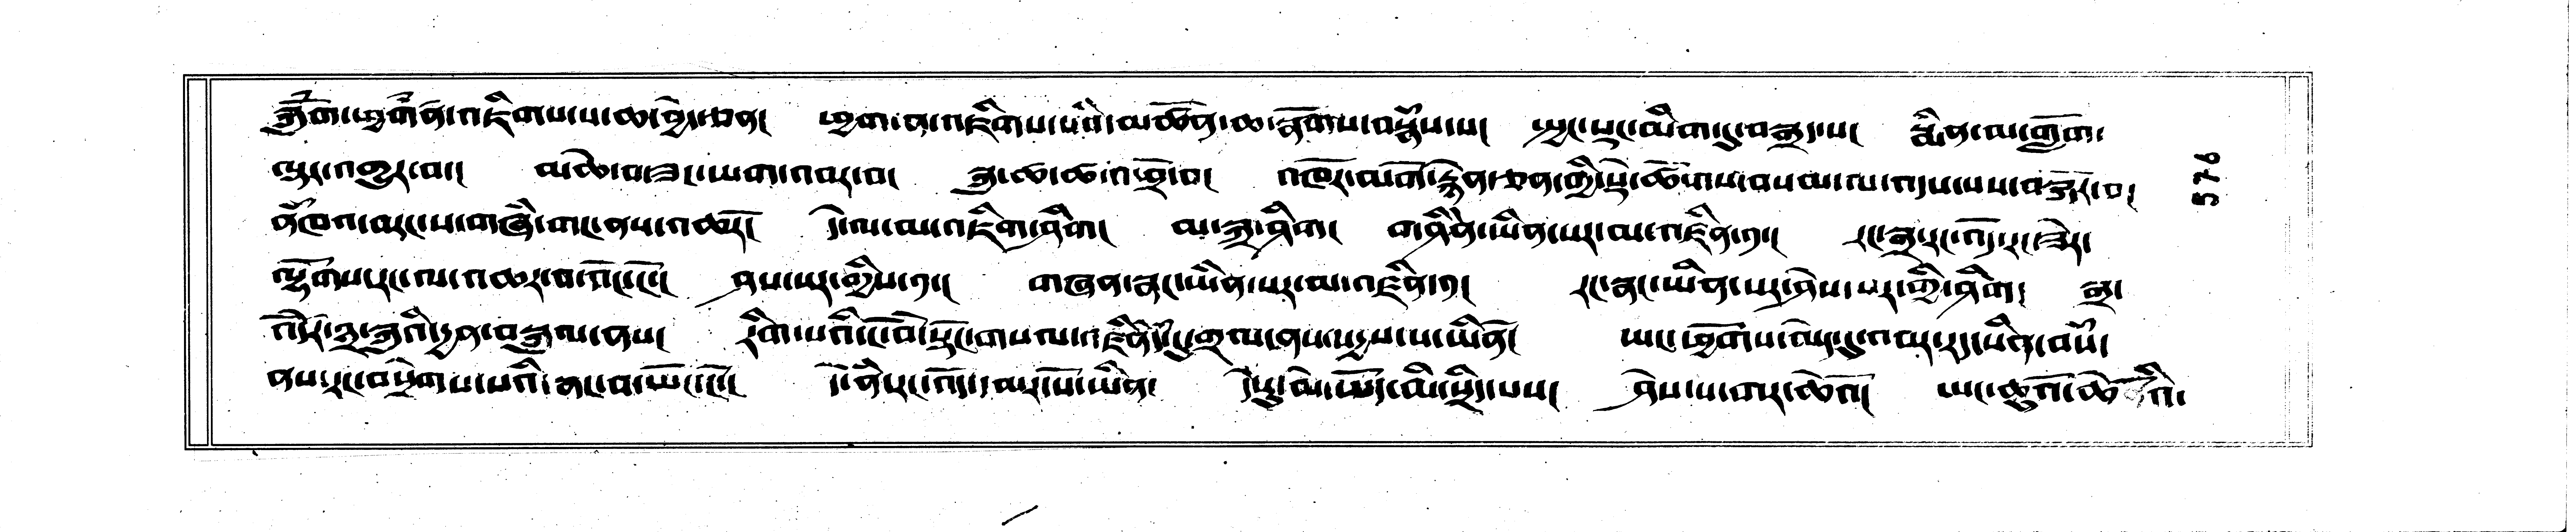སྐུ་མདོག་ཕྱག་མཚན་འཇིགས་པའི་ཆ་བྱད་ཅན། ཕྱག་ན་འཇིགས་པའི་མཚོན་ཆ་སྣ་ཚོགས་རྣམས། སྤྱན་སྡང་མིག་དུ་བསྒྲད་པ། སྨིན་མ་གློག་
ལྟར་འགྱུ་བ། མཆེ་བ་ཟངས་ཡག་འབར་བ། སྐུ་ལ་ཚ་ཚ་འཕྲོ་བ། འཁོར་མགོ་སྙན་༼བརྙན༽ཅན་གྱི་སྡེ་ཚོགས་བསམ་ལ་འདས་པའི་བསྐོར་བ། 
ནམ་མཁའ་བར་སྣང་ས་གཞི་གང་ནས་འཆར་རོ། དེ་ལ་མ་འཇིགས་ཤིག་མ་སྐྲག་ཅིག གཤིན་རྗེ་ཡིན་པར་མ་འཛིན་ཅིག རང་སྒྲ་རང་འོད་རང་ཟེར་
ལྷ་ཚོགས་རང་ལ་འཆར་པ་འོང་ངོ་། ཤེས་པར་གྱི་ཤིག གཞན་སྣང་ཡིན་པར་མ་འཛིན་ཅིག རང་སྣང་ཡིན་པར་ཤེས་པར་གྱིས་ཤིག སྒྲ་
འོད་ཟེར་གསུམ་སྐུ་ཡི་རྐྱེན་བསྐུལ་ནས། རིག་པའི་ངོའོ་སྟོང་གསལ་འཛིན་མེད་དུ་གྲོལ་ནས་སངས་རྒྱས་པ་ཡིན། ཡང་ཕྱོགས་མེད་དུ་འབར་བ་རེད་སིན་བསམ་
ནས་རང་བསྲེག་པའི་སྣང་བ་ཡོང་ངོ་། དེ་ནི་རང་འོད་དམར་པོ་ཡིན། དེ་རུ་མི་གཡོ་མི་སྲིད་པས། ཤེས་པ་གལ་ཆེའོ། ཡང་ཆུ་བོ་ཆེན་པོའི་